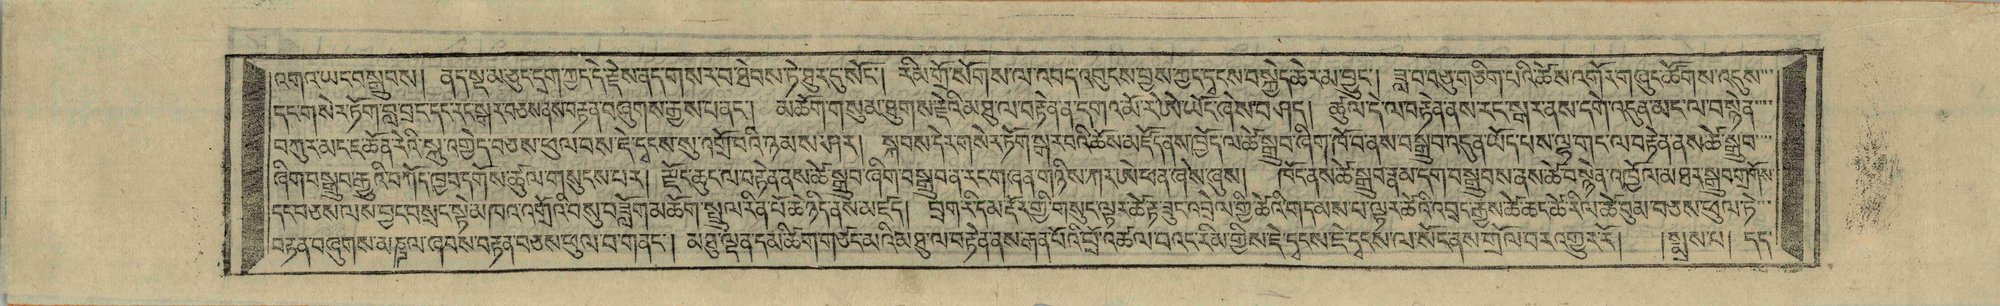འགའ་ཡང་བསྒྲུབས། ནད་སྔ་མ་ཅུང་དྲག་ཀྱང་དེ་རྗེས་ནད་གསར་བ་ཐེབས་ཏེ་ཐུར་དུ་སོང་། རིམ་གྲོ་སོགས་ལ་འབད་འབུངས་བྱས་ཀྱང་དྭངས་བསྐྱེད་ཆེར་མ་བྱུང་། ཟླ་བ་བཅུ་གཅིག་པའི་ཚེས་འགོར་གཞུང་ཚོགས་འདུས་
དང་གསེར་ཏོག་བླ་བྲང་དང་རང་སྒར་བཅས་ནས་བརྟན་བཞུགས་རྒྱས་པ་ནང་། མཆོག་གསུམ་ཐུགས་རྗེའི་མཐུ་ལ་བརྟེན་ན་དགའ་མོ་རེ་ཨེ་ཡོང་ཞེས་བཤད། ཚུལ་དེ་ལ་བརྟེན་ནས་རང་སྒར་ནས་དགེ་འདུན་མང་ལ་བསྙེན་
བཀུར་མང་ཇ་ཆོན་རེའི་སྐུ་འགྱེད་བཅས་ཕུལ་བས་ཇེ་དྭངས་སུ་འགྲོ་བའི་ཉམས་ཤར། སྐབས་དེར་གསེར་ཏོག་སྒར་བའི་ཆོས་མཛོད་ནས་ཁྱོད་ལ་ཚེ་སྒྲུབ་ཞིག་ཁོ་བ་ནས་བསྒྲུབ་འདུན་ཡོད་པས་ལྷ་གང་ལ་བརྟེན་ནས་ཚེ་སྒྲུབ་
ཞིག་བསྒྲུབ་རྒྱུའི་བཀོད་ཁྱབ་དགོས་ཚུལ་གསུངས་པར། རྫོང་ཆུང་ལ་བརྟེན་ནས་ཚེ་སྒྲུབ་ཞིག་བསྒྲུབ་ན་རང་གཞན་གཉིས་ཀར་ཨེ་ཕན་ཞེས་ཞུས། ཁོང་ནས་ཚེ་སྒྲུབ་རྣམ་དག་བསྒྲུབས་ནས་ཚེ་བསྙེན་འཁྱོལ་མཐར་སྒྲུབ་གྲོགས་
དང་བཅས་ལས་བྱང་བསྲང་སྟེ་མཁའ་འགྲོའི་བསུ་བཟློག་མཆོག་སྤྲུལ་རིན་པོ་ཆེ་ཉིད་ནས་མཛད། བྲག་རི་དམ་རྡོར་གྱི་གསུང་ལྟར་ཚེ་རྟ་ཟུང་འབྲེལ་གྱི་ཚེའི་གདམས་པ་ལྟར་ཚེའི་འབྲང་རྒྱས་ཚེ་ཆང་ཚེ་རིལ་ཚེ་བུམ་བཅས་ཕུལ་ཏེ་
བརྟན་བཞུགས་མཎྜལ་ཞབས་བརྟན་བཅས་ཕུལ་བ་གནང་། མཐུ་ལྡན་དམ་ཚིག་གཙང་མའི་མཐུ་ལ་བརྟེན་ནས་རྒན་པོའི་བྲོ་འཚལ་བའང་རིམ་གྱིས་ཇེ་དྭངས་ཇེ་དྭངས་ལ་སོང་ནས་གྲོལ་བར་འགྱུར་རོ། །སྨྲས་པ། དད་